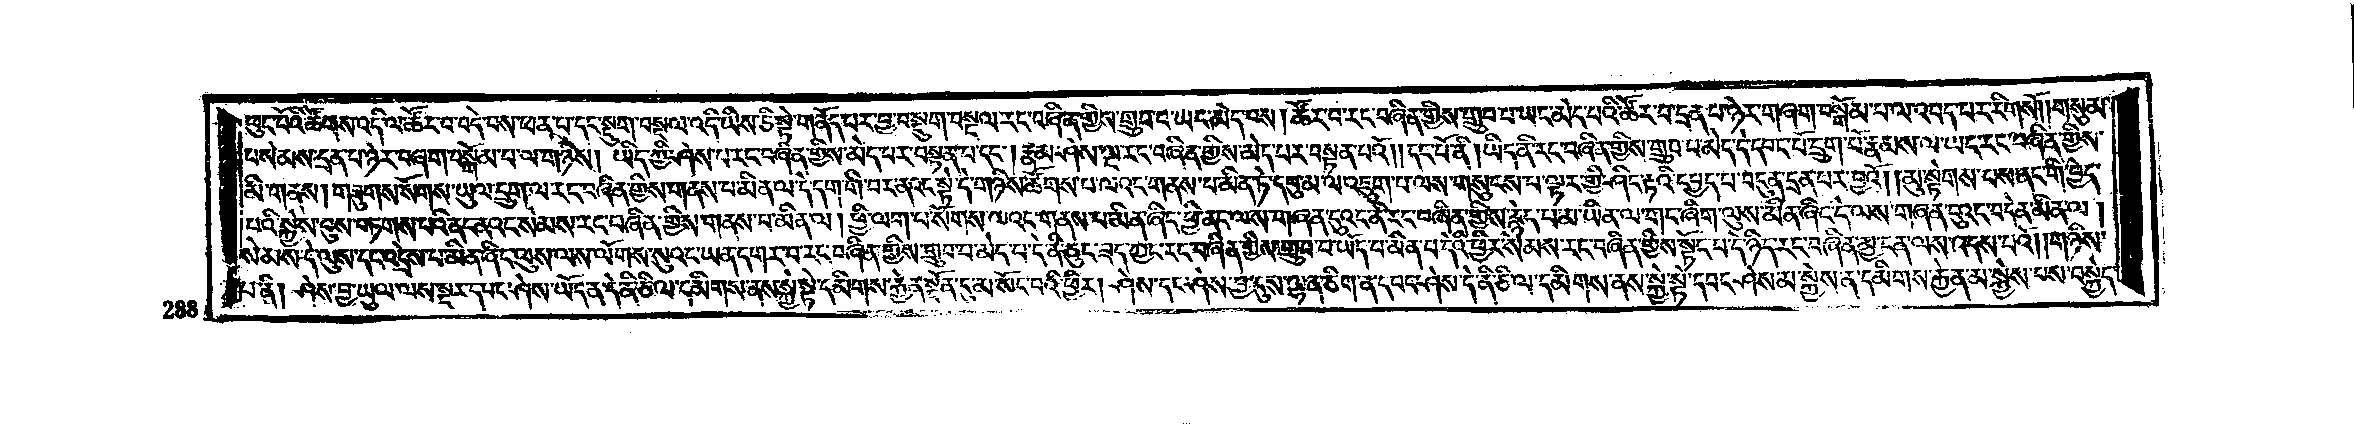ཕུང་པོའི་ཚོར་འདི་ལ་ཚོར་བ་བདེ་བས་ཕན་པ་དང་སྡུག་བསྔལ་འདི་ཡིས་ཅི་སྟེ་གནོད་པར་བྱ་བ་སྡུག་བསྔལ་རང་བཞིན་གྱིས་གྲུབ་པ་ཡང་མེད་པས། ཚོར་བ་རང་བཞིན་གྱིས་གྲུབ་པ་ཡང་མེད་པའི་ཚོར་བ་དྲན་པ་ཉེར་གཞག་བསྒོམ་པ་ལ་འབད་པར་རིགས་སོ། །གསུམ་
པས་སེམས་དྲན་པ་ཉེར་བཞག་བསྒོམ་པ་ལ་གཉིས། ཡིད་ཀྱི་ཤེས་པ་རང་བཞིན་གྱིས་མེད་པར་བསྟན་པ་དང་། རྣ་ཤེས་ལྔ་རང་བཞིན་གྱིས་མེད་པར་བསྟན་པའོ། །དང་པོ་ནི། ཡིད་ནི་རང་བཞིན་གྱིས་གྲུབ་པ་མེད་དེ་དབང་པོ་དྲུག་པོ་རྣམས་ལ་ཡང་རང་བཞིན་གྱིས་
མི་གནས། གཟུགས་སོགས་ཡུལ་དྲུག་ལ་རང་བཞིན་གྱིས་གནས་པ་མིན་ལ་དེ་དག་གི་བར་ནའང་སྟེ་དེ་གཉིས་ཚོགས་པ་ལའང་གནས་པ་མིན་ཏེ་དབུ་མ་ལ་འཇུག་པ་ལས་གསུངས་པ་ལྟར་གྱི་ཤིང་རྟའི་དཔྱད་པ་བདུན་དྲན་པར་བྱའོ། །མུ་སྟེགས་པས་ནང་གི་བྱེད་
པའི་སྐྱེས་བུས་བཏགས་པའི་ནང་ནའང་སེམས་རང་བཞིན་གྱིས་གནས་པ་མིན་ལ། ཕྱི་ལག་པ་སོགས་ལའང་གནས་པ་མིན་ཞིང་ཕྱི་ནང་ལས་གཞན་དུའང་ནི་རང་བཞིན་གྱིས་རྙེད་པ་མ་ཡིན་ལ་གང་ཞིག་ལུས་མིན་ཞིང་དེ་ལས་གཞན་དུའང་བདེན་མིན་ལ།
སེམས་དེ་ལུས་དང་འདྲེས་པ་མིན་ཞིང་ལུས་ལས་ལོགས་སུའང་ཡན་དགར་བ་རང་བཞིན་གྱིས་གྲུབ་པ་མེད་པ་དེ་ནི་ཅུང་ཟད་ཀྱང་རང་བཞིན་གྱིས་གྲུབ་པ་ཡོད་པ་མིན་པ་དེའི་ཕྱིར་སེམས་རང་བཞིན་གྱིས་སྟོང་པ་དེ་ཉིད་རང་བཞིན་ཡ་ངན་ལས་འདས་པའོ། །གཉིས་
པ་ནི། ཤེས་བྱ་ཡུལ་ལས་སྔར་དབང་ཤེས་ཡོད་ན་དེ་ནི་ཅི་ལ་དམིགས་ནས་སྐྱེ་སྟེ་དམིགས་རྐྱེན་སྔོན་དུ་མ་སོང་བའི་ཕྱིར་ཤེས་དང་ཤེས་བྱ་དུས་ལྷན་ཅིག་ན་དབང་ཤེས་དེ་ནི་ཅི་ལ་དམིགས་ནས་སྐྱེ་སྟེ་དབང་ཤེས་མ་སྐྱེས་ན་དམིགས་རྐྱེན་མ་སྐྱེས་པས་བསྐྱེད་